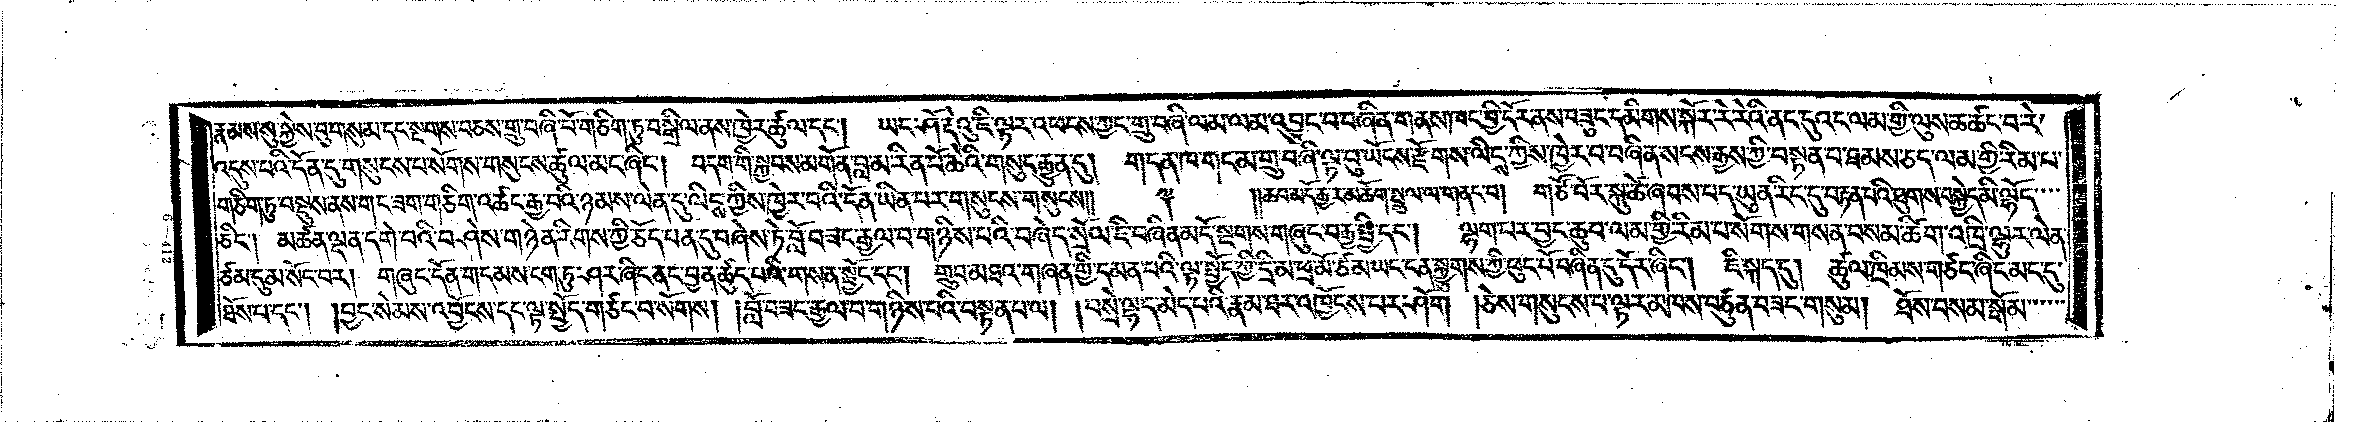རྣམས་སུ་སྐྱེས་པུ་གསུམ་དང་སྔགས་བཅས་གྲུ་བཞི་པོ་གཅིག་ཏུ་བསྒྲིལ་ནས་ཁྱེར་ཚུལ་དང་། ཡང་ཤོ་རྡེའུ་ཇི་ལྟར་འཕངས་ཀྱང་གྲུ་བཞི་ལམ་ལམ་འབྱུང་བ་བཞིན་གནས་ཁང་བྱི་དོར་ནས་བཟུང་དམིགས་སྐོར་རེ་རེའི་ནང་དུའང་ལམ་གྱི་ལུས་ཆ་ཚང་བ་རེ་
?་པའི་དོན་དུ་གསུངས་པ་སོགས་གསུངས་ཚུལ་མང་ཞིང་། བདག་གི་སྐྱབས་མགོན་བླ་མ་རིན་པོ་ཆེའི་གསུང་རྒྱུན་དུ། གདན་ཁ་གང་མ་གྲུ་བཞི་ལྟ་བུ་ཡོངས་རྫོགས་ལིངས་ཀྱིས་ཁྱེར་བ་བཞིན་སངས་རྒྱས་ཀྱི་བསྟན་པ་ཐམས་ཅད་ལམ་གྱི་རིམ་པ་
?་བསྡུས་ནས་གང་ཟག་གཅིག་འཚང་རྒྱ་བའི་ཉམས་ལེན་དུ་ལིངས་ཀྱིས་ཁྱེར་བའི་དོན་ཡིན་པར་གསུངས་གསུངས།། ༈ །།ཆབ་མདོ་རྒྱར་མཆོག་སྤྲུལ་ལ་གནང་བ།  གཙོ་བོར་སྐུ་ཚེ་ཞབས་པད་ཡུན་རིང་དུ་བརྟན་པའི་ཐུགས་བསྐྱེད་མི་ལྷོད་
ཅིང་།?  མཚན་ལྡན་དགེ་བའི་བཤེས་གཉེན་རིགས་ཀྱི་ཅོད་པན་དུ་བཞེས་ཏེ་བློ་བཟང་རྒྱལ་བ་གཉིས་པའི་བཞེད་སྲོལ་ཇི་བཞིན་མདོ་སྔགས་གཞུང་བརྒྱ་སྤྱི་དང་། ལྷག་པར་བྱང་ཆུབ་ལམ་གྱི་རིམ་པ་སོགས་གསན་བསམ་ཚིག་འཁྲི་ལྷུར་ལེན་
ཙམ་དུ?་མ་སོང་བར། གཞུང་དོན་གདམས་ངག་ཏུ་ཤར་ཞིང་ནང་བྱན་ཚུད་པའི་གསན་སྤྱོང་དང་། གྲུབ་མཐའ་གཞན་གྱི་དམན་པའི་ལྟ་སྤྱོད་ཀྱི་དྲི་མ་ཕྲ་མོ་ཙམ་ཡང་ངན་སྐྱུགས་ཀྱི་ཕུང་པོ་བཞིན་དུ་དོར་ཞིང་། ཇི་སྐད་དུ། ཚུལ་ཁྲིམས་གཙང་ཞིང་མང་དུ་
ཐོས་པ་དང་། །བྱང་སེམས་འབྱོངས་དང་ལྟ་སྤྱོད་གཙང་བ་སོགས། །བློ་བཟང་རྒྱལ་བ་གཉིས་པའི་བསྟན་པ་ལ། །བསྲེ་ལྷད་མེད་པའི་རྣམ་ཐར་འཁྱོངས་པར་ཤོག །ཅེས་གསུངས་པ་ལྟར་མཁས་བཙུན་བཟང་གསུམ། ཐོས་བསམ་སྒོམ་